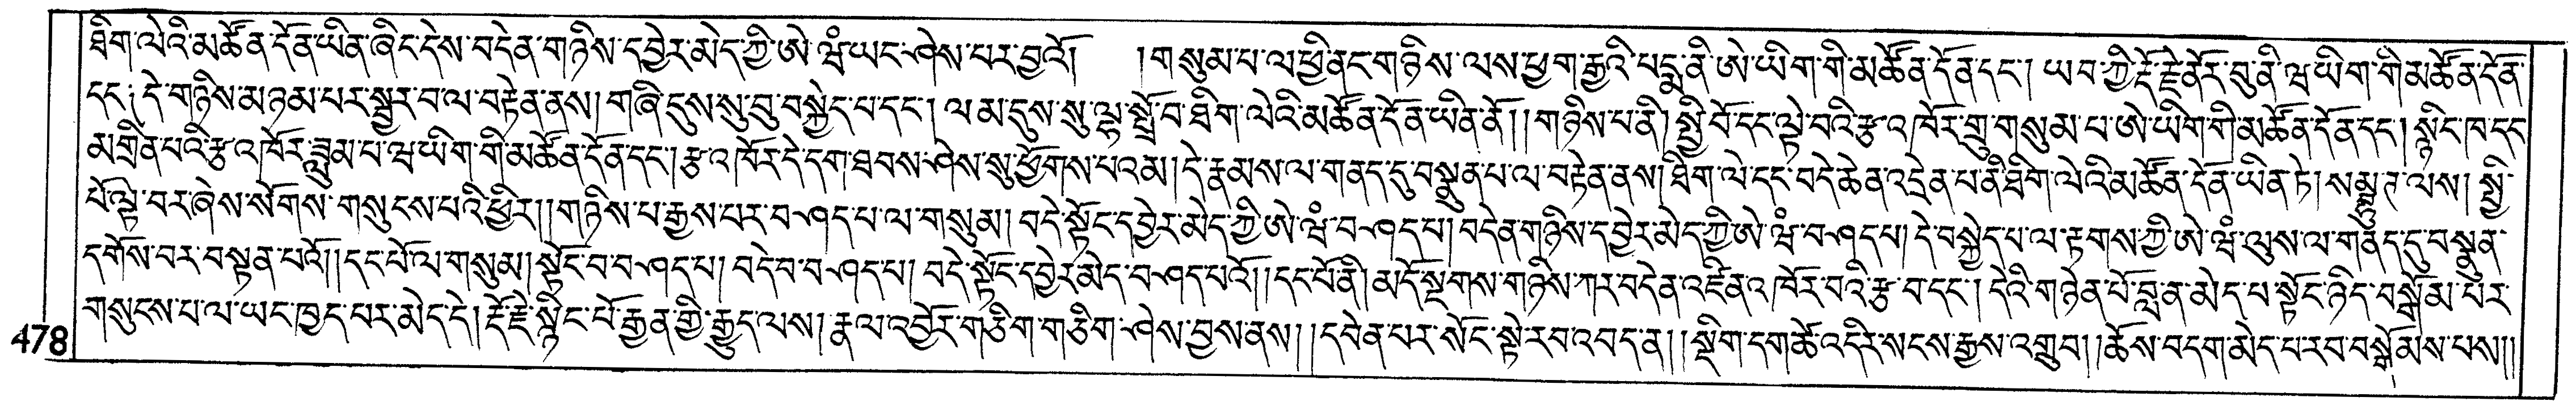ཐིག་ལེའི་མཚོན་དོན་ཡིན་ཞིང་དེས་བདེན་གཉིས་དབྱེར་མེད་ཀྱི་ཨེ་ཝཾ་ཡང་ཤེས་པར་བྱའོ། །གསུམ་པ་ལ་ཕྱི་ནང་གཉིས་ལས་ཕྱག་རྒྱའི་པདམ་ནི་ཨེ་ཡིག་གི་མཚོན་དོན་དང་། ཡབ་ཀྱི་རྡོ་རྗེ་ནོར་བུ་ནི་ཝ་ཡིག་གི་མཚོན་དོན་
དང༑ དེ་གཉིས་མཉམ་པར་སྦྱར་བ་ལ་བརྟེན་ནས། གཞི་དུས་སུ་བུ་བསྐྱེད་པ་དང་། ལམ་དུས་སུ་ལྷ་སྤྲོ་བ་ཐིག་ལེའི་མཚོན་དོན་ཡིན་ནོ། །གཉིས་པ་ནི། སྤྱི་བོ་དང་ལྟེ་བའི་རྩ་འཁོར་གྲུ་གསུམ་པ་ཨེ་ཡིག་གི་མཚོན་དོན་དང་། སྙིང་ཁ་དང་
མགྲིན་པའི་རྩ་འཁོར་ཟླུམ་པ་ཝ་ཡིག་གི་མཚོན་དོན་དང་། རྩ་འཁོར་དེ་དག་ཐབས་ཤེས་སུ་ཕྱོགས་པའམ། དེ་རྣམས་ལ་གནད་དུ་བསྣུན་པ་ལ་བརྟེན་ནས། ཐིག་ལེ་དང་བདེ་ཆེན་འདྲེན་པ་ནི་ཐིག་ལེའི་མཚོན་དོན་ཡིན་ཏེ། སམྦྷུ་ཊ་ལས། སྤྱི་
པོ་ལྟེ་བར་ཞེས་སོགས་གསུངས་པའི་ཕྱིར། །གཉིས་པ་རྒྱས་པར་བཤད་པ་ལ་གསུམ། བདེ་སྟོང་དབྱེར་མེད་ཀྱི་ཨེ་ཝཾ་བཤད་པ། བདེན་གཉིས་དབྱེར་མེད་ཀྱི་ཨེ་ཝཾ་བཤད་པ། དེ་བསྐྱེད་པ་ལ་རྟགས་ཀྱི་ཨེ་ཝཾ་ལུས་ལ་གནད་དུ་བསྣུན་
དགོས་བར་བསྟན་པའོ། །དང་པོ་ལ་གསུམ། སྟོང་བ་བཤད་པ། བདེ་བ་བཤད་པ། བདེ་སྟོང་དབྱེར་མེད་བཤད་པའོ། །དང་པོ་ནི། མདོ་སྔགས་གཉིས་ཀར་བདེན་འཛིན་འཁོར་བའི་རྩ་བ་དང་། དེའི་གཉེན་པོ་བླ་ན་མེད་པ་སྟོང་ཉིད་བསྒོམ་པར་
གསུངས་པ་ལ་ཡང་ཁྱད་པར་མེད་དེ། རྡོ་རྗེ་སྙིང་པོ་རྒྱན་གྱི་རྒྱུད་ལས། རྣལ་འབྱོར་གཅིག་གཅིག་ཤེས་བྱས་ནས། །དབེན་པར་སོང་སྟེ་རབ་འབད་ན། །སྡིག་དག་ཚེ་འདིར་སངས་རྒྱས་འགྲུབ། །ཆོས་བདག་མེད་པ་རབ་བསྒོམས་པས།།